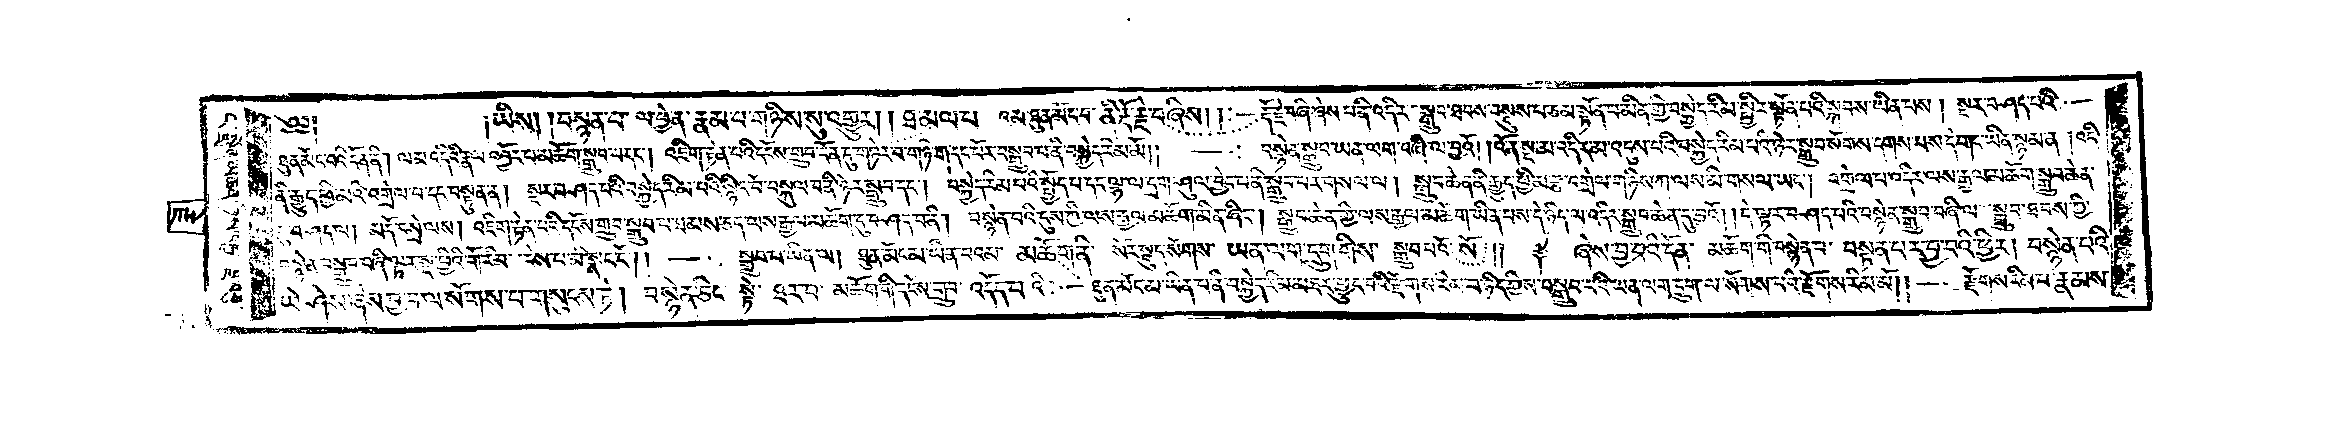༄༅། །ཡིས། །བསྙན་པ་ལ་ཕྱེ་ན་རྣམ་པ་གཉིས་སུ་འགྱུར། །ཐ་མལ་པ་འམ་ཐུན་མོང་བ་ནི་རྡོ་རྗེ་བཞིས། །H.་རྡོ་རྗེ་བཞི་ཞེས་པ་ནི་འདིར་སྒྲུབ་ཐབས་བསྡུས་པ་ཙམ་སྟོན་པ་མིན་གྱི་བསྐྱེད་རིམ་སྤྱིར་སྟོན་པའི་སྐབས་ཡིན་པས། སྔར་བཤད་པའིཿ
ཐུན་མོང་བའི་དོན་ནི། ལམ་འདིའི་རྣལ་འབྱོར་པ་མཆོག་སྒྲུབ་པ་དང་། འཇིག་རྟེན་པའི་དངོས་གྲུབ་དོན་དུ་གཉེར་བ་གཉི་ག་དང་པོར་བསྒྲུབ་པ་ནི་བསྐྱེད་རིམ་མོ།། .H བསྙེན་སྒྲུབ་ཡན་ལག་བཞི་ལ་བྱའོ། །འོན་སྔ་མ་འདིར་མ་འདུས་པའི་བསྐྱེད་རིམ་པའི་ཉེར་སྒྲུབ་སོགས་དགོས་པས་དེ་གང་ཡིན་སྙམ་ན་།འདི་
ནི་རྒྱུད་ཕྱི་མའི་འགྲེལ་པ་དང་བསྟུན་ན། སྔར་བཤད་པའི་བསྐྱེད་རིམ་པའི་སྙིང་པོ་བསྐུལ་བ་ནི་ཉེར་སྒྲུབ་དང་། བསྐྱེད་རིམ་པའི་སྤྱོད་པ་དང་ལྷ་ལ་དྲག་ཤུལ་བྱེད་པ་ནི་སྒྲུབ་པར་གསལ་ལ། སྒྲུབ་ཆེན་ནི་རྒྱུད་ཕྱི་མ་རྩ་འགྲེལ་གཉིས་ཀ་ལས་མི་གསལ་ཡང་། འགྲེལ་པ་འདིར་ལས་རྒྱལ་མཆོག་སྒྲུབ་ཆེན་
དུ་བཤད་ལ། མདོ་བསྲེ་ལས། འཇིག་རྟེན་པའི་དངོས་གྲུབ་སྒྲུབ་པ་ཐམས་ཅད་ལས་རྒྱལ་མཆོག་དུ་བཤད་པ་ནི། བསྙེན་པའི་དུས་ཀྱི་ལས་རྒྱལ་མཆོག་མིན་ཞིང་། སྒྲུབ་ཆེན་གྱི་ལས་རྒྱལ་མཆོག་ཡིན་པས་དེ་ཉིད་ལ་འདིར་སྒྲུབ་ཆེན་དུ་བྱའོ། །དེ་ལྟར་བཤད་པའི་བསྙེན་སྒྲུབ་བཞི་ལ་སྒྲུབ་ཐབས་ཀྱི་
བསྙེན་བསྒྲུབ་བཞི་ལྟར་སྔ་ཕྱིའི་གོ་རིམ་ངེས་པ་མི་སྣང་ངོ། ། .H སྒྲུབ་པ་ཡིན་ལ། ཐུན་མོང་མ་ཡིན་པའམ་མཆོག་ནི་སོར་སྡུད་སོགས་ཡན་ལག་དྲུག་གིས་སྒྲུབ་པའོ་སོ།། ༈ ཞེས་བྱ་བའི་དོན་མཆོག་གི་བསྙེན་པ་བསྟན་པར་བྱ་བའི་ཕྱིར། བསྙེན་པའི་
ཡེ་ཤེས་ཞེས་བྱ་བ་ལ་སོགས་པ་གསུངས་ཏེ། བསྙེན་ཅིང་སྟེ་ཐར་པ་མཆོག་གི་དངོས་གྲུབ་འདོད་པའིཿ་ཐུན་མོང་མ་ཡིན་པ་ནི་བསྐྱེད་རིམ་མཐར་ཕྱུང་བའི་རྫོགས་རིམ་པ་ཉིད་ཀྱིས་བསྒྲུབ་པའི་ཡན་ལག་དྲུག་ལ་སོགས་པའི་རྫོགས་རིམ་མོ།། .H རྫོགས་རིམ་པ་རྣམས་